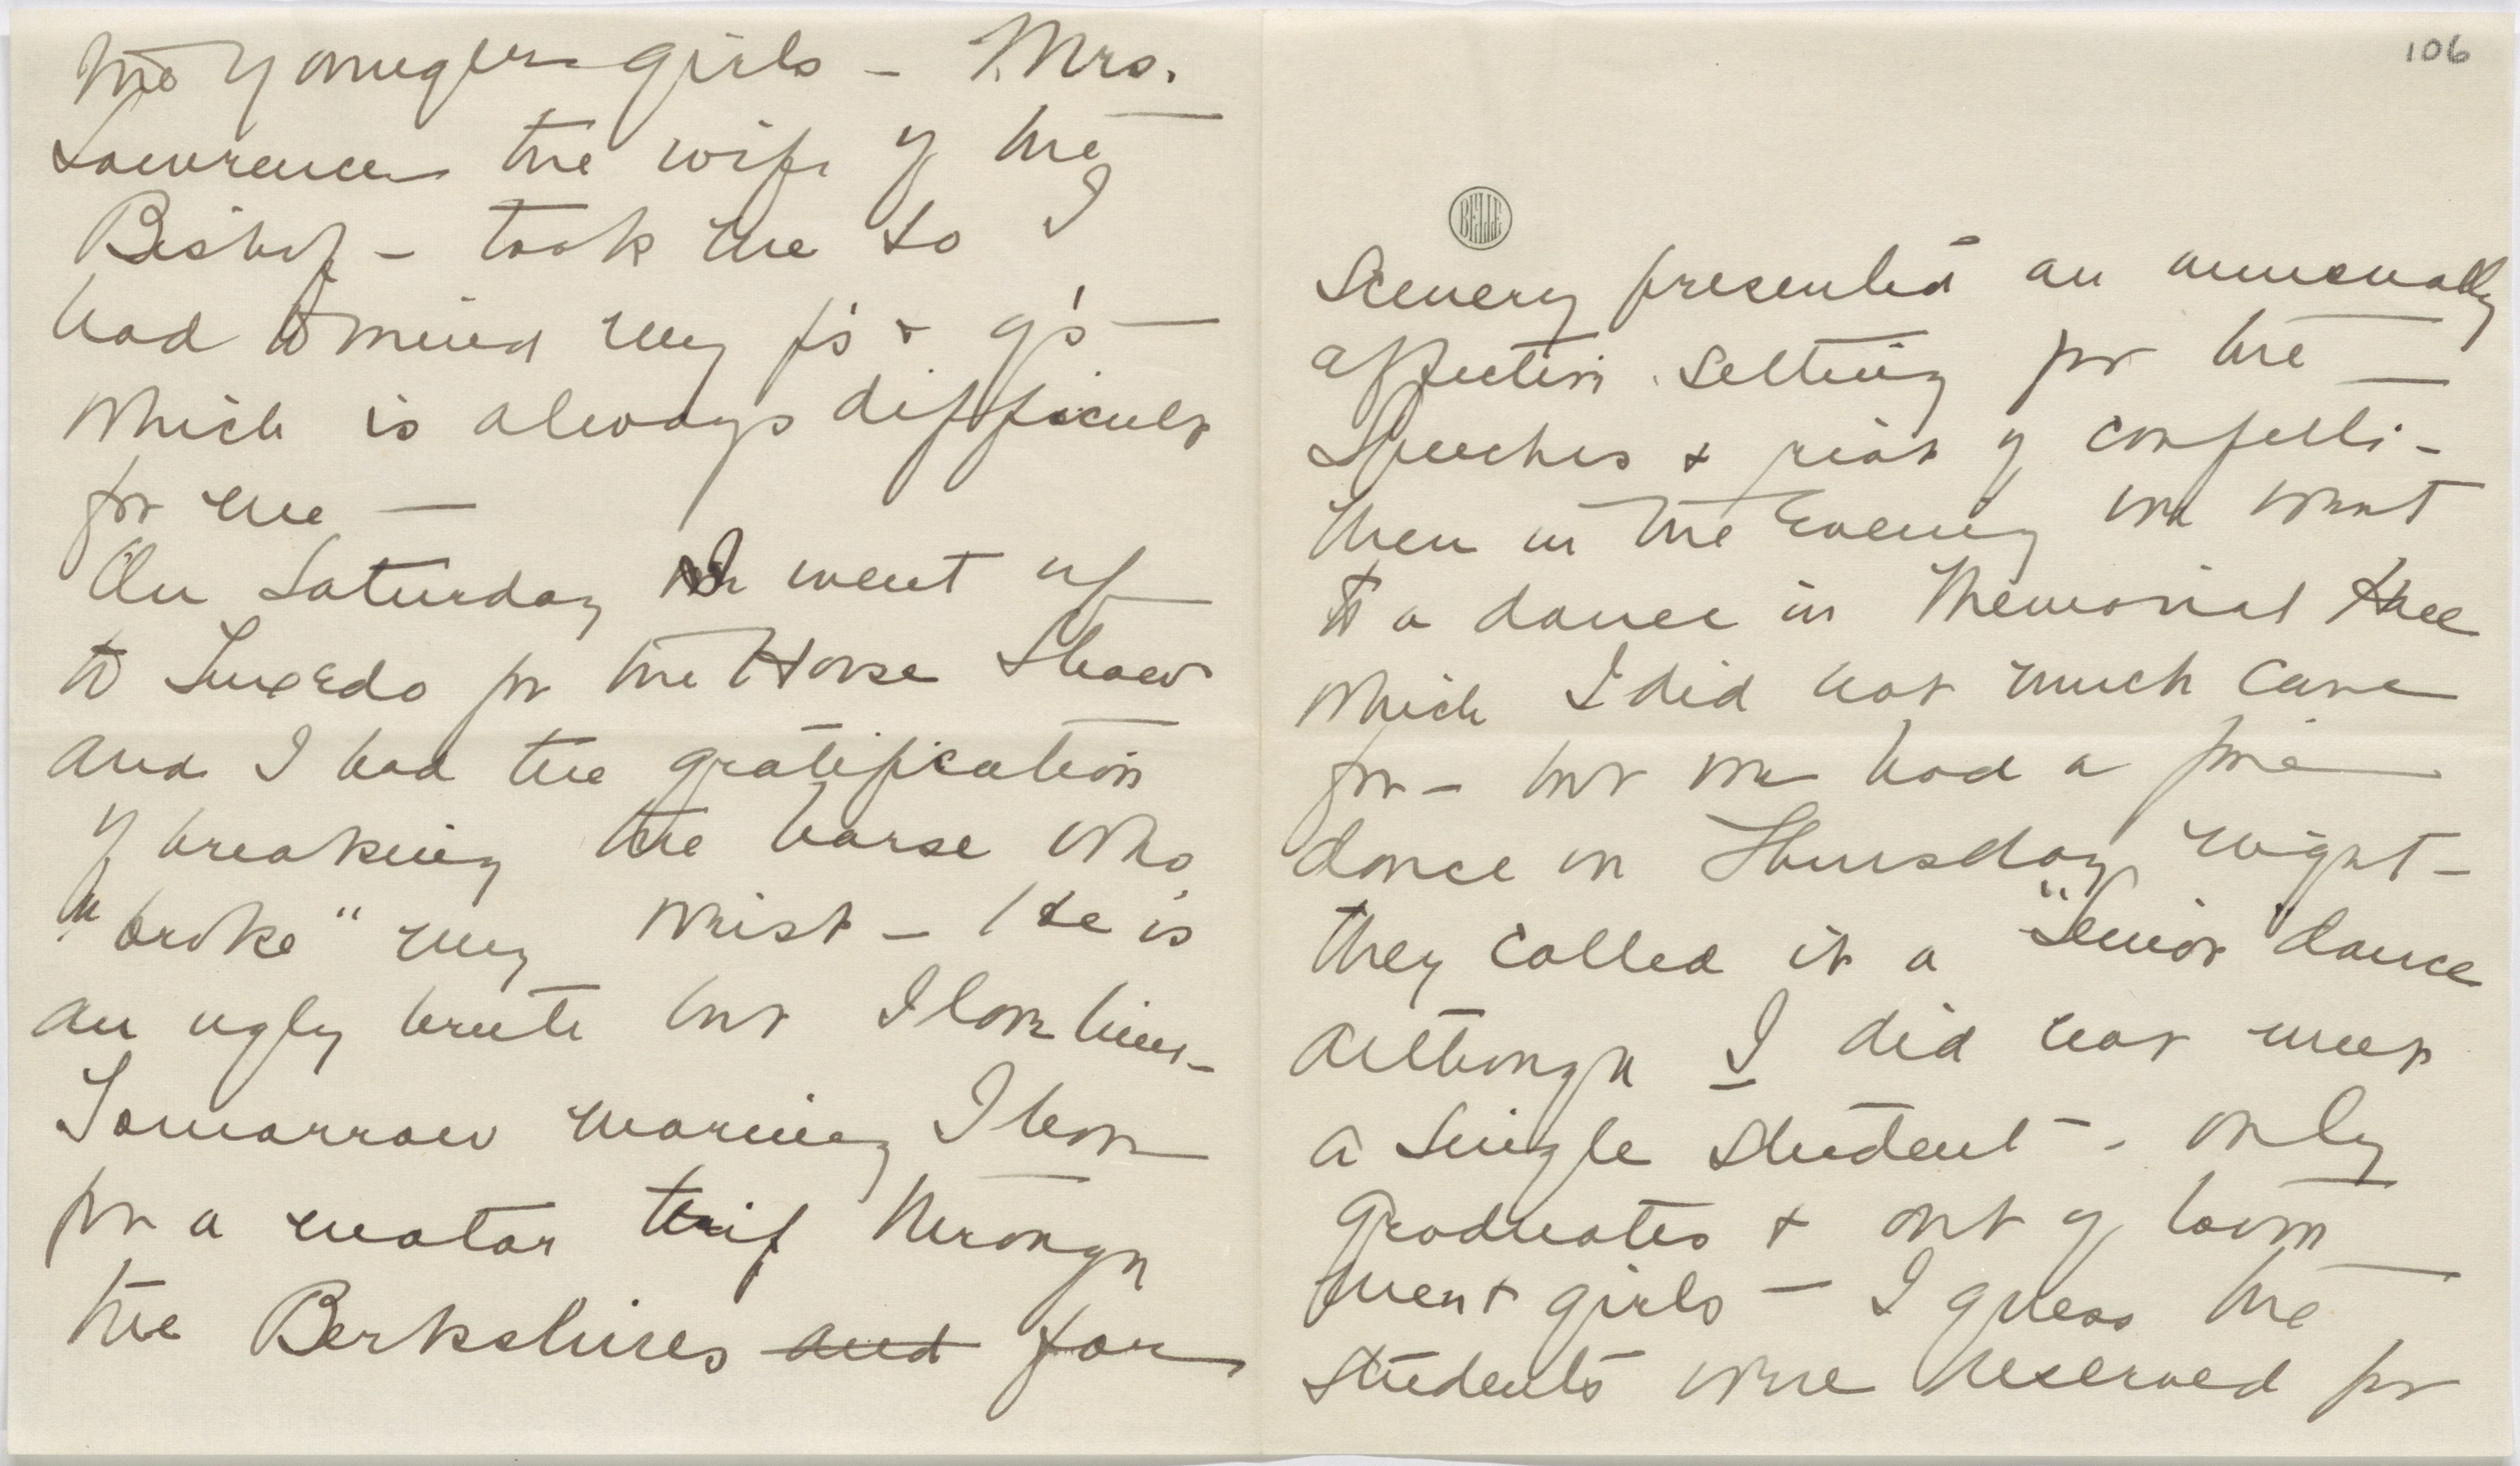scenery presented an unusually affective setting for the Speeches & riot of confetti – Then in the evening we went to a dance in Memorial Hall which I did not much care for – but we had a fine dance on Thursday night – they called it a “Senior” dance although I did not meet a single student, only graduates & out of town men & girls – I guess the students were reserved for
the younger girls – Mrs. Lawrence the wife of the Bishop – took me so I had to mind my p’s & q’s – which is always difficult for me –
On Saturday I went up to Tuxedo for the Horse Show and I had the gratification of breaking the horse who “broke” my wrist – He is an ugly brute but I love him – Tomorrow morning I leave for a motor trip through the Berkshires and for